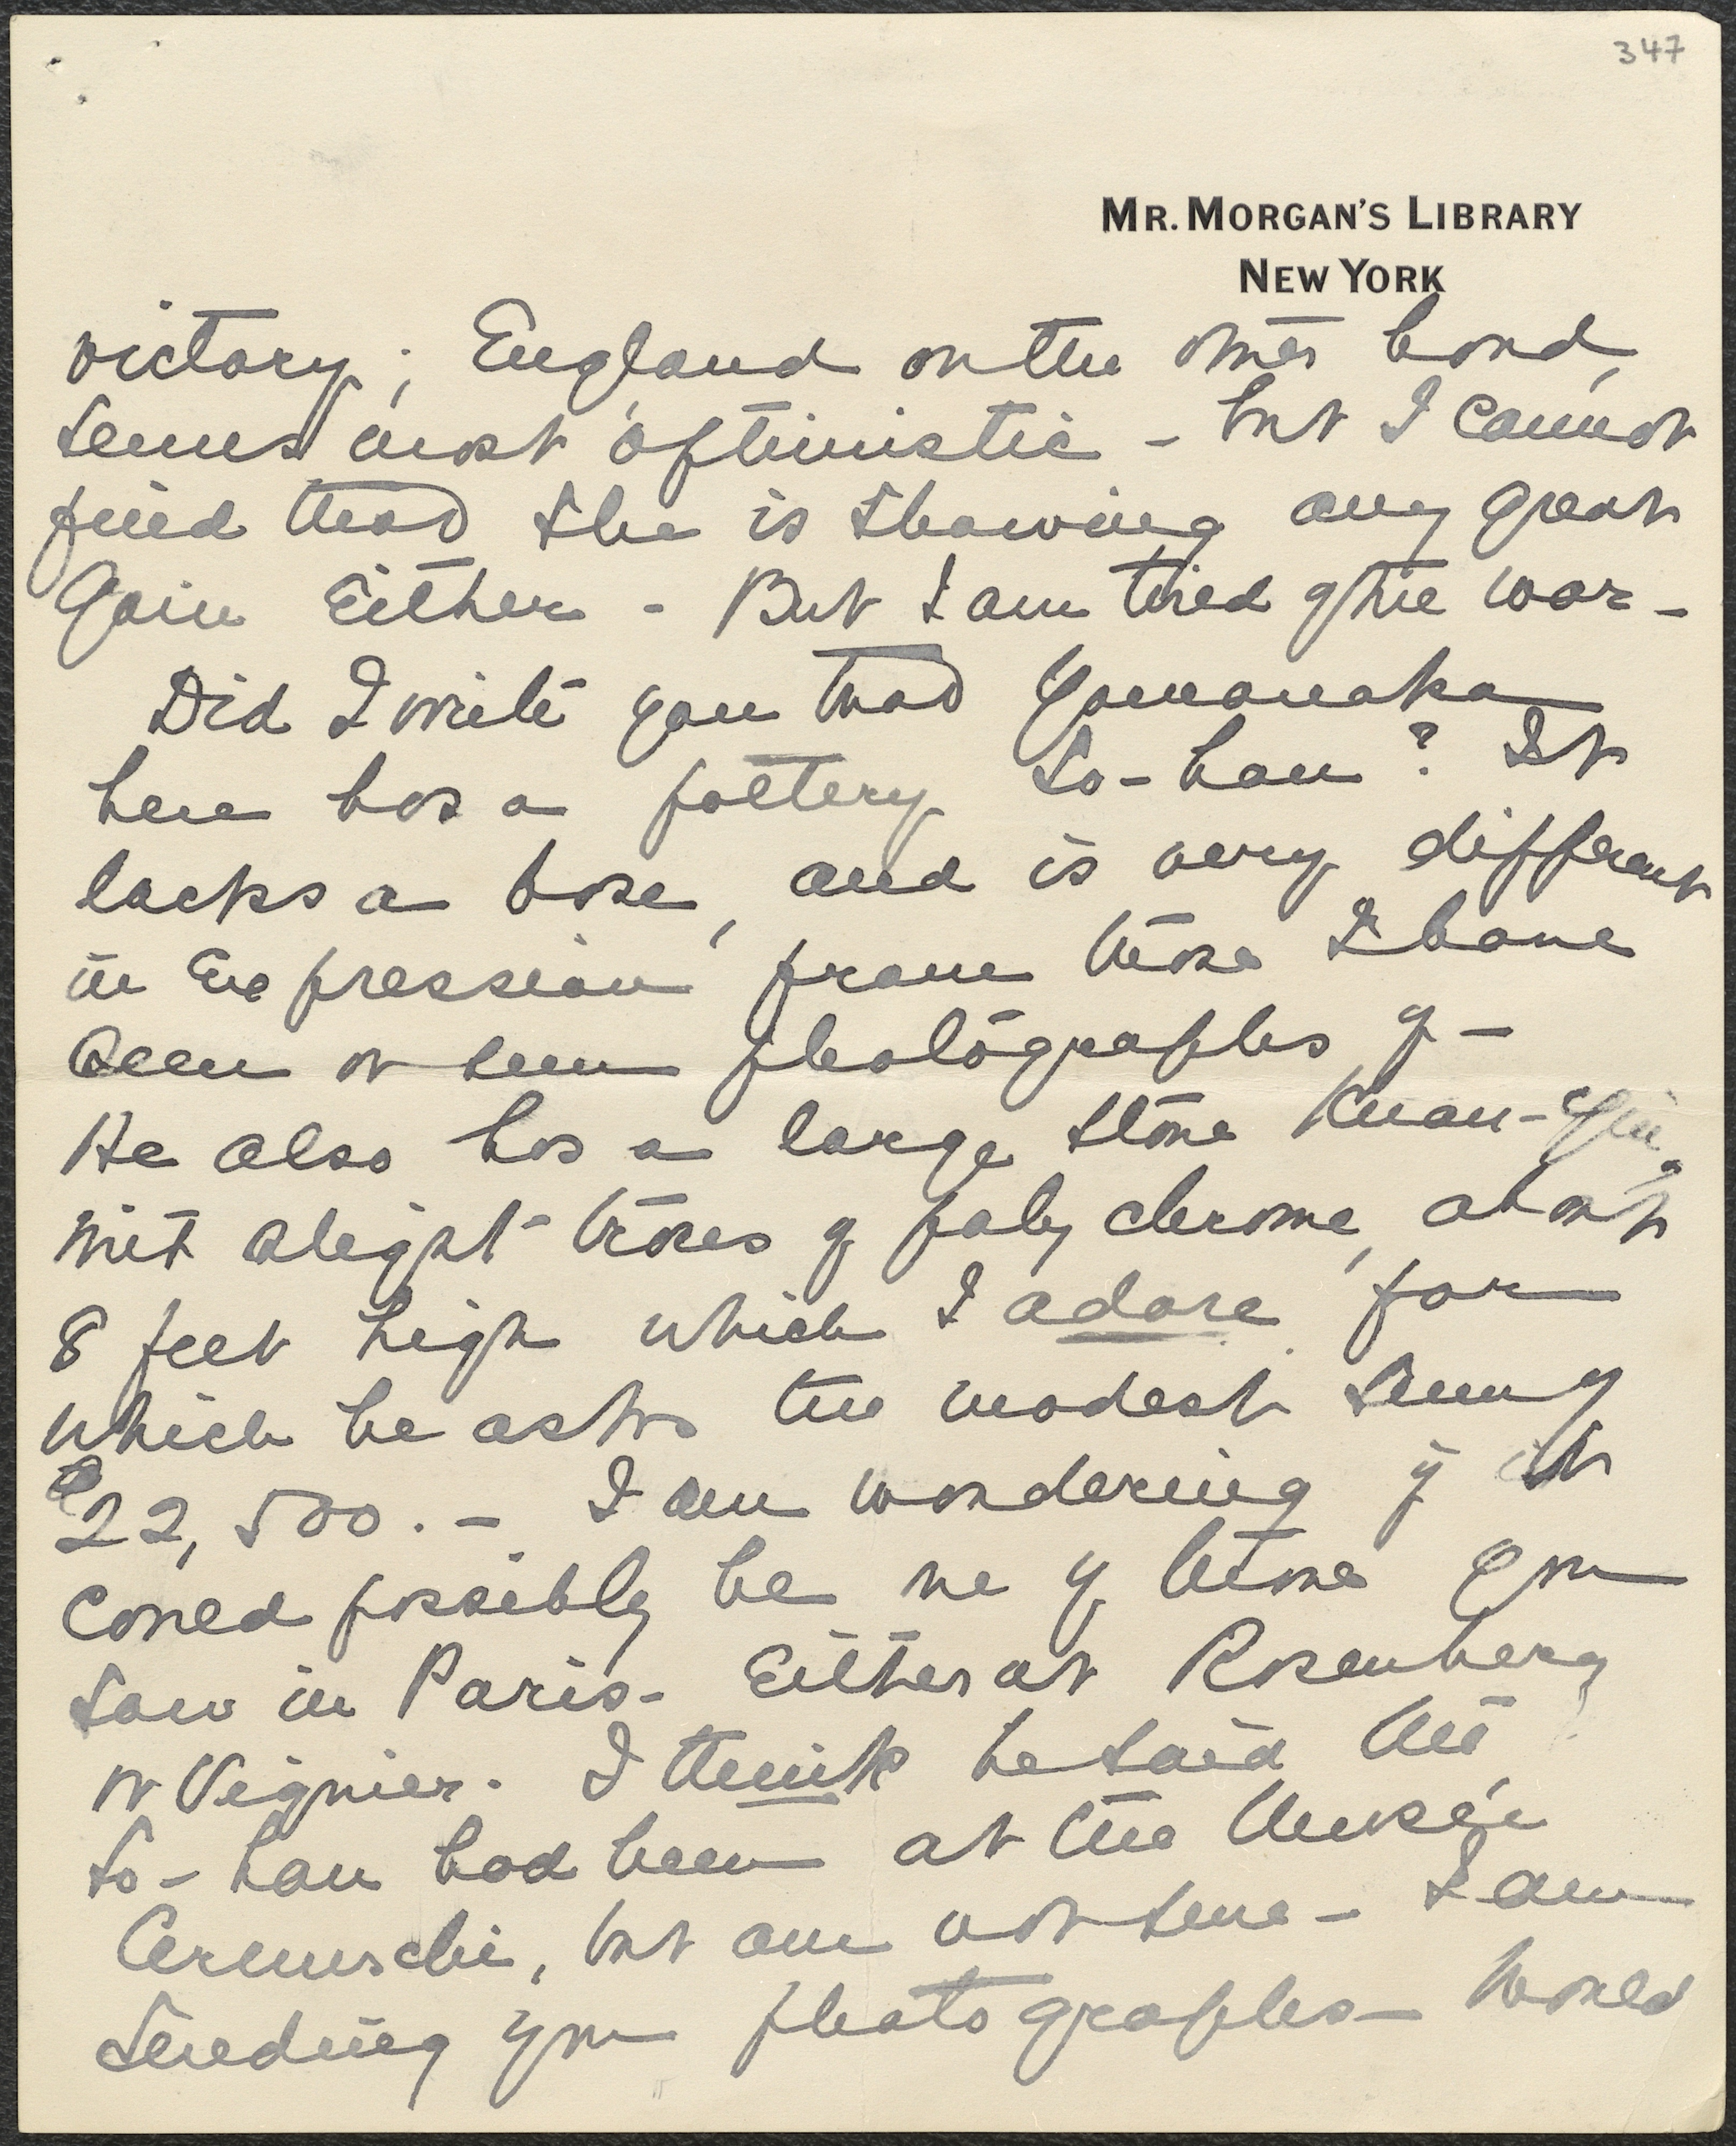victory; England on the other hand, seems most optimistic – but I cannot find that she is showing any great gain either – But I am tired of the war –
Did I write you that Yamanaka here has a pottery Lo-han? It lacks a base, and is very different in expression from those I have seen or seen photographs of –
He also has a large stone Kuan Yin, with slight traces of poly chrome, about about 8 feet high which I adore for which he asks the modest sum of $22,500. – I am wondering if it could possibly be one of those I saw in Paris – Either at Rosenberg or Vignier. I think he said the Lo-han had been an the Musèe Ceramiche, but am not sure – I am sending you photographs – Would